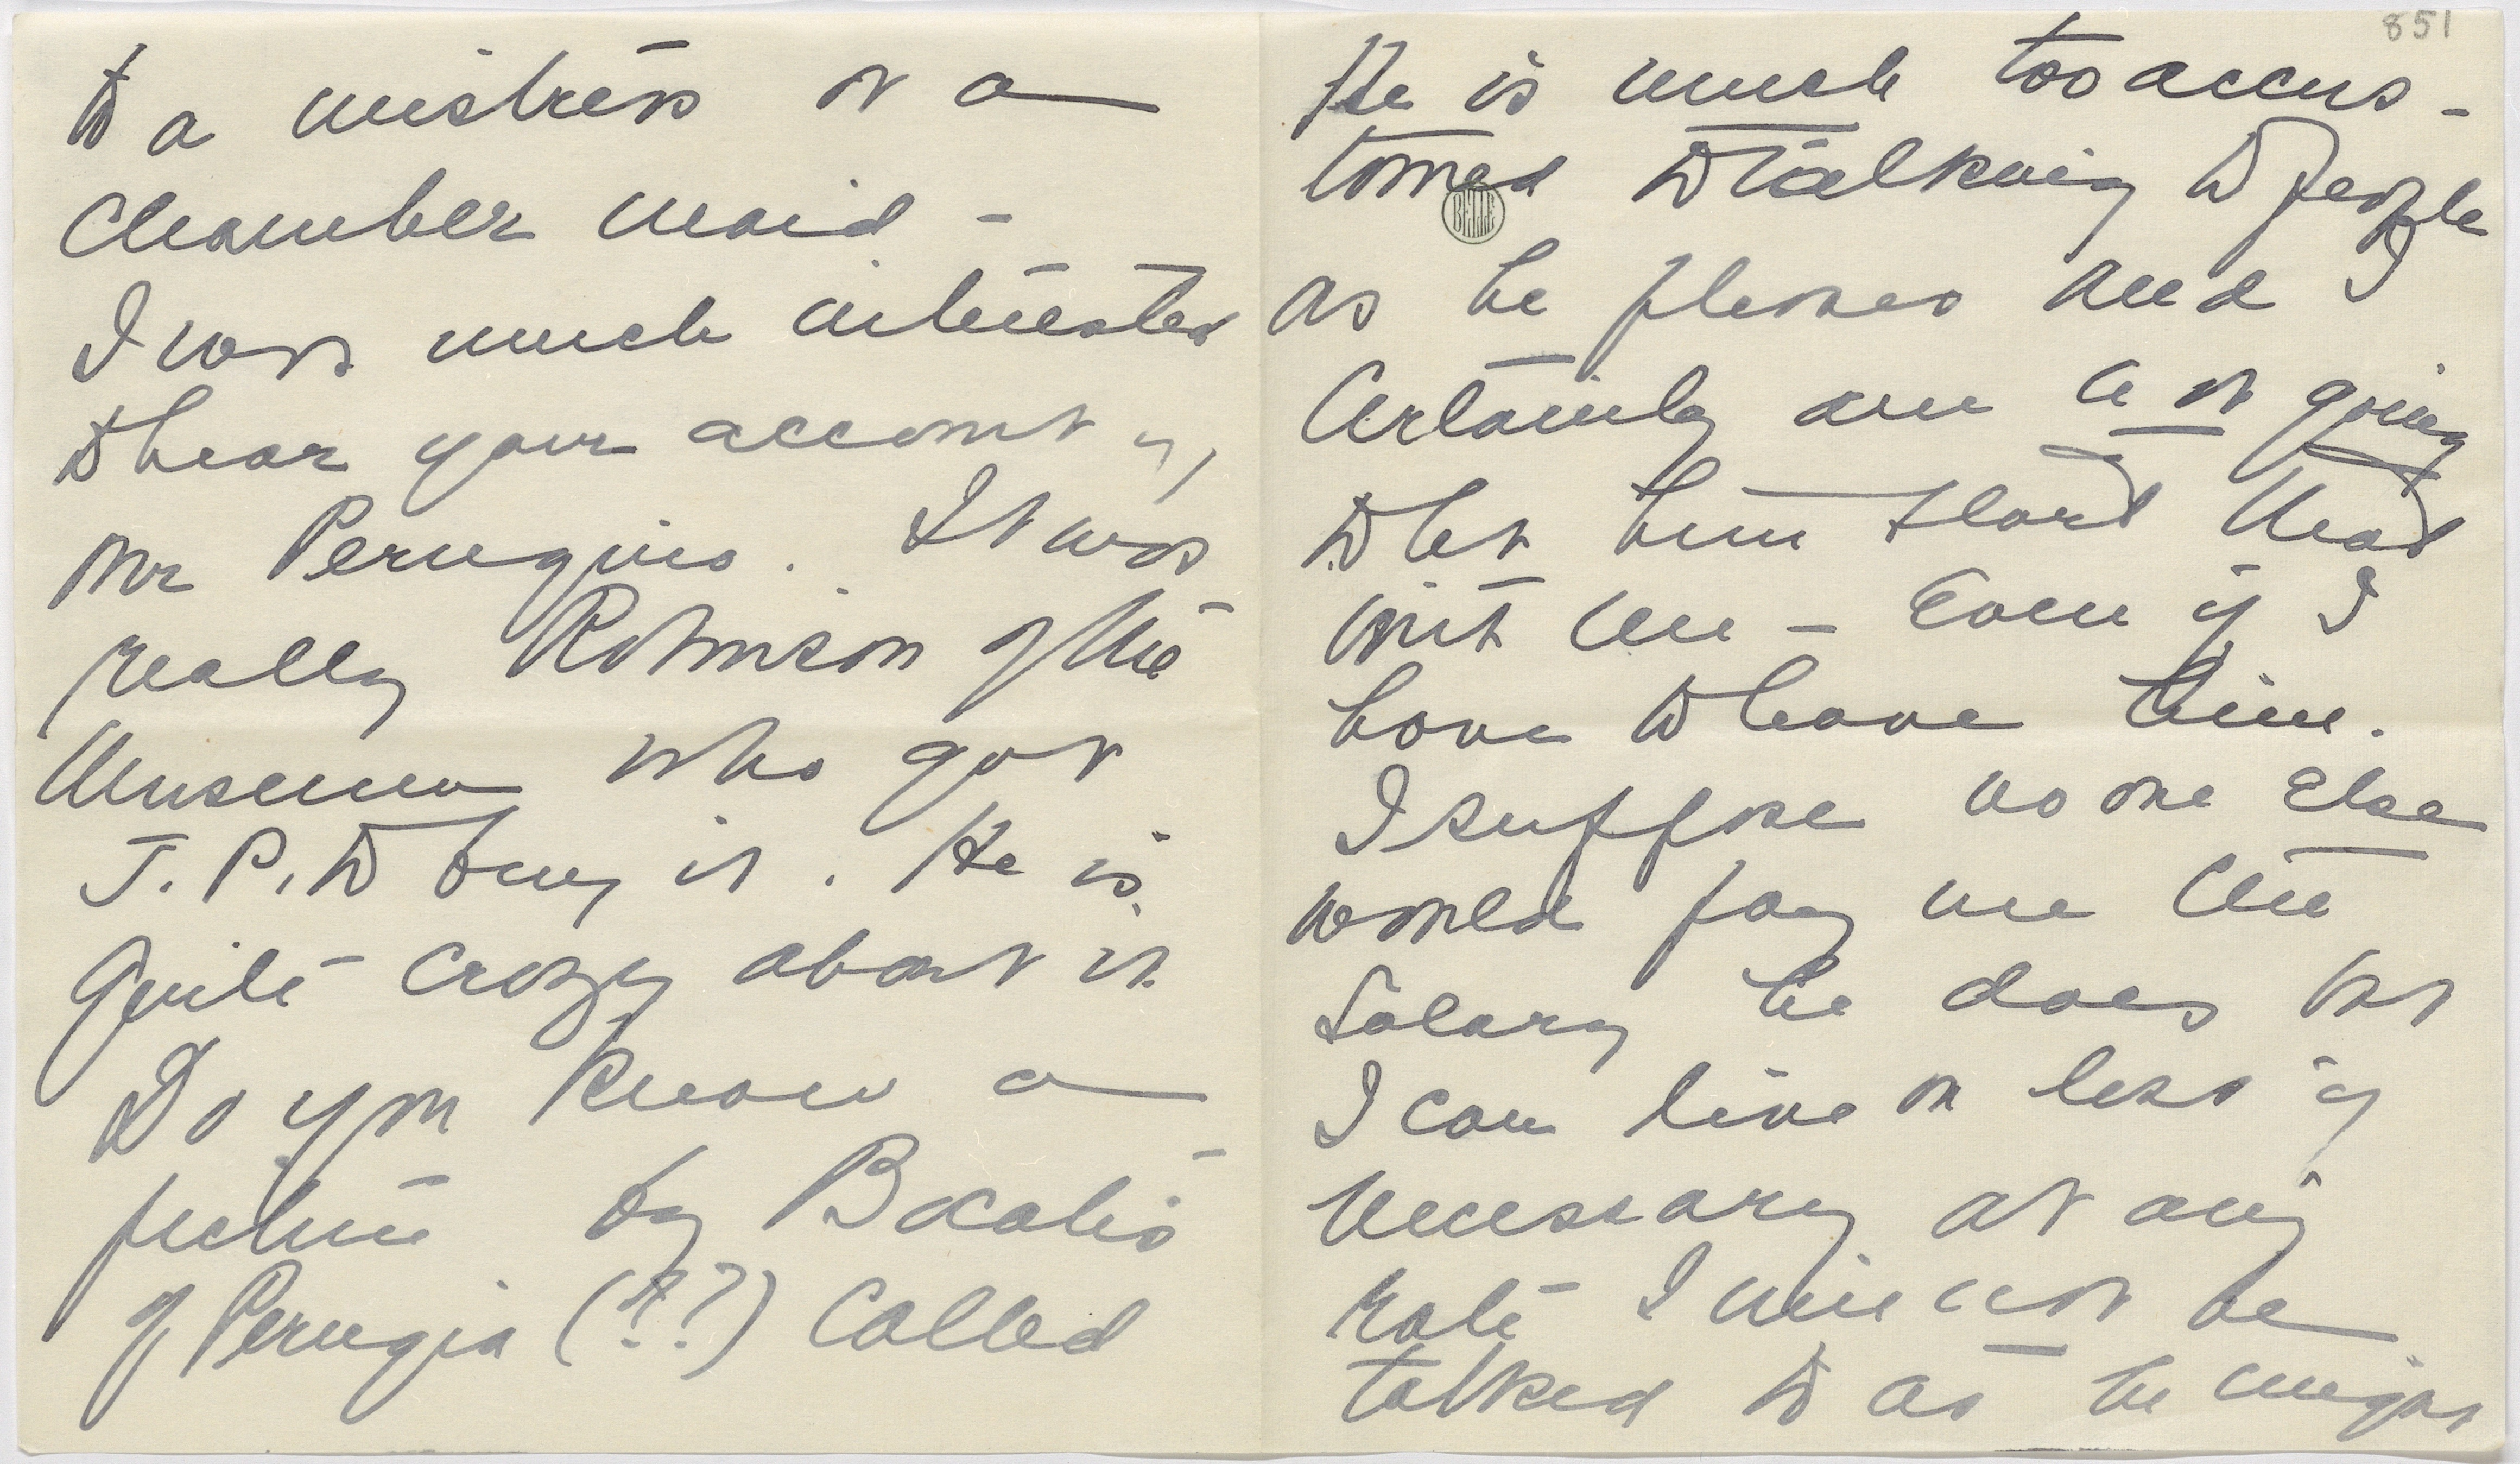He is much too accustomed to talking to people as he pleases and I certainly am not going to let him start that with me – even if I have to leave him.
I suppose no one else would pay me the salary he does but I can live on less if necessary at any rate I will not be talked to as he might
to a mistress or a chamber maid –
I was much interested to hear your account of our Peregino. It was really Robinson of the Museum who got J. P. to buy it. He is quite crazy about it.
Do you know a picture by Bocatis of Perugia (??) called